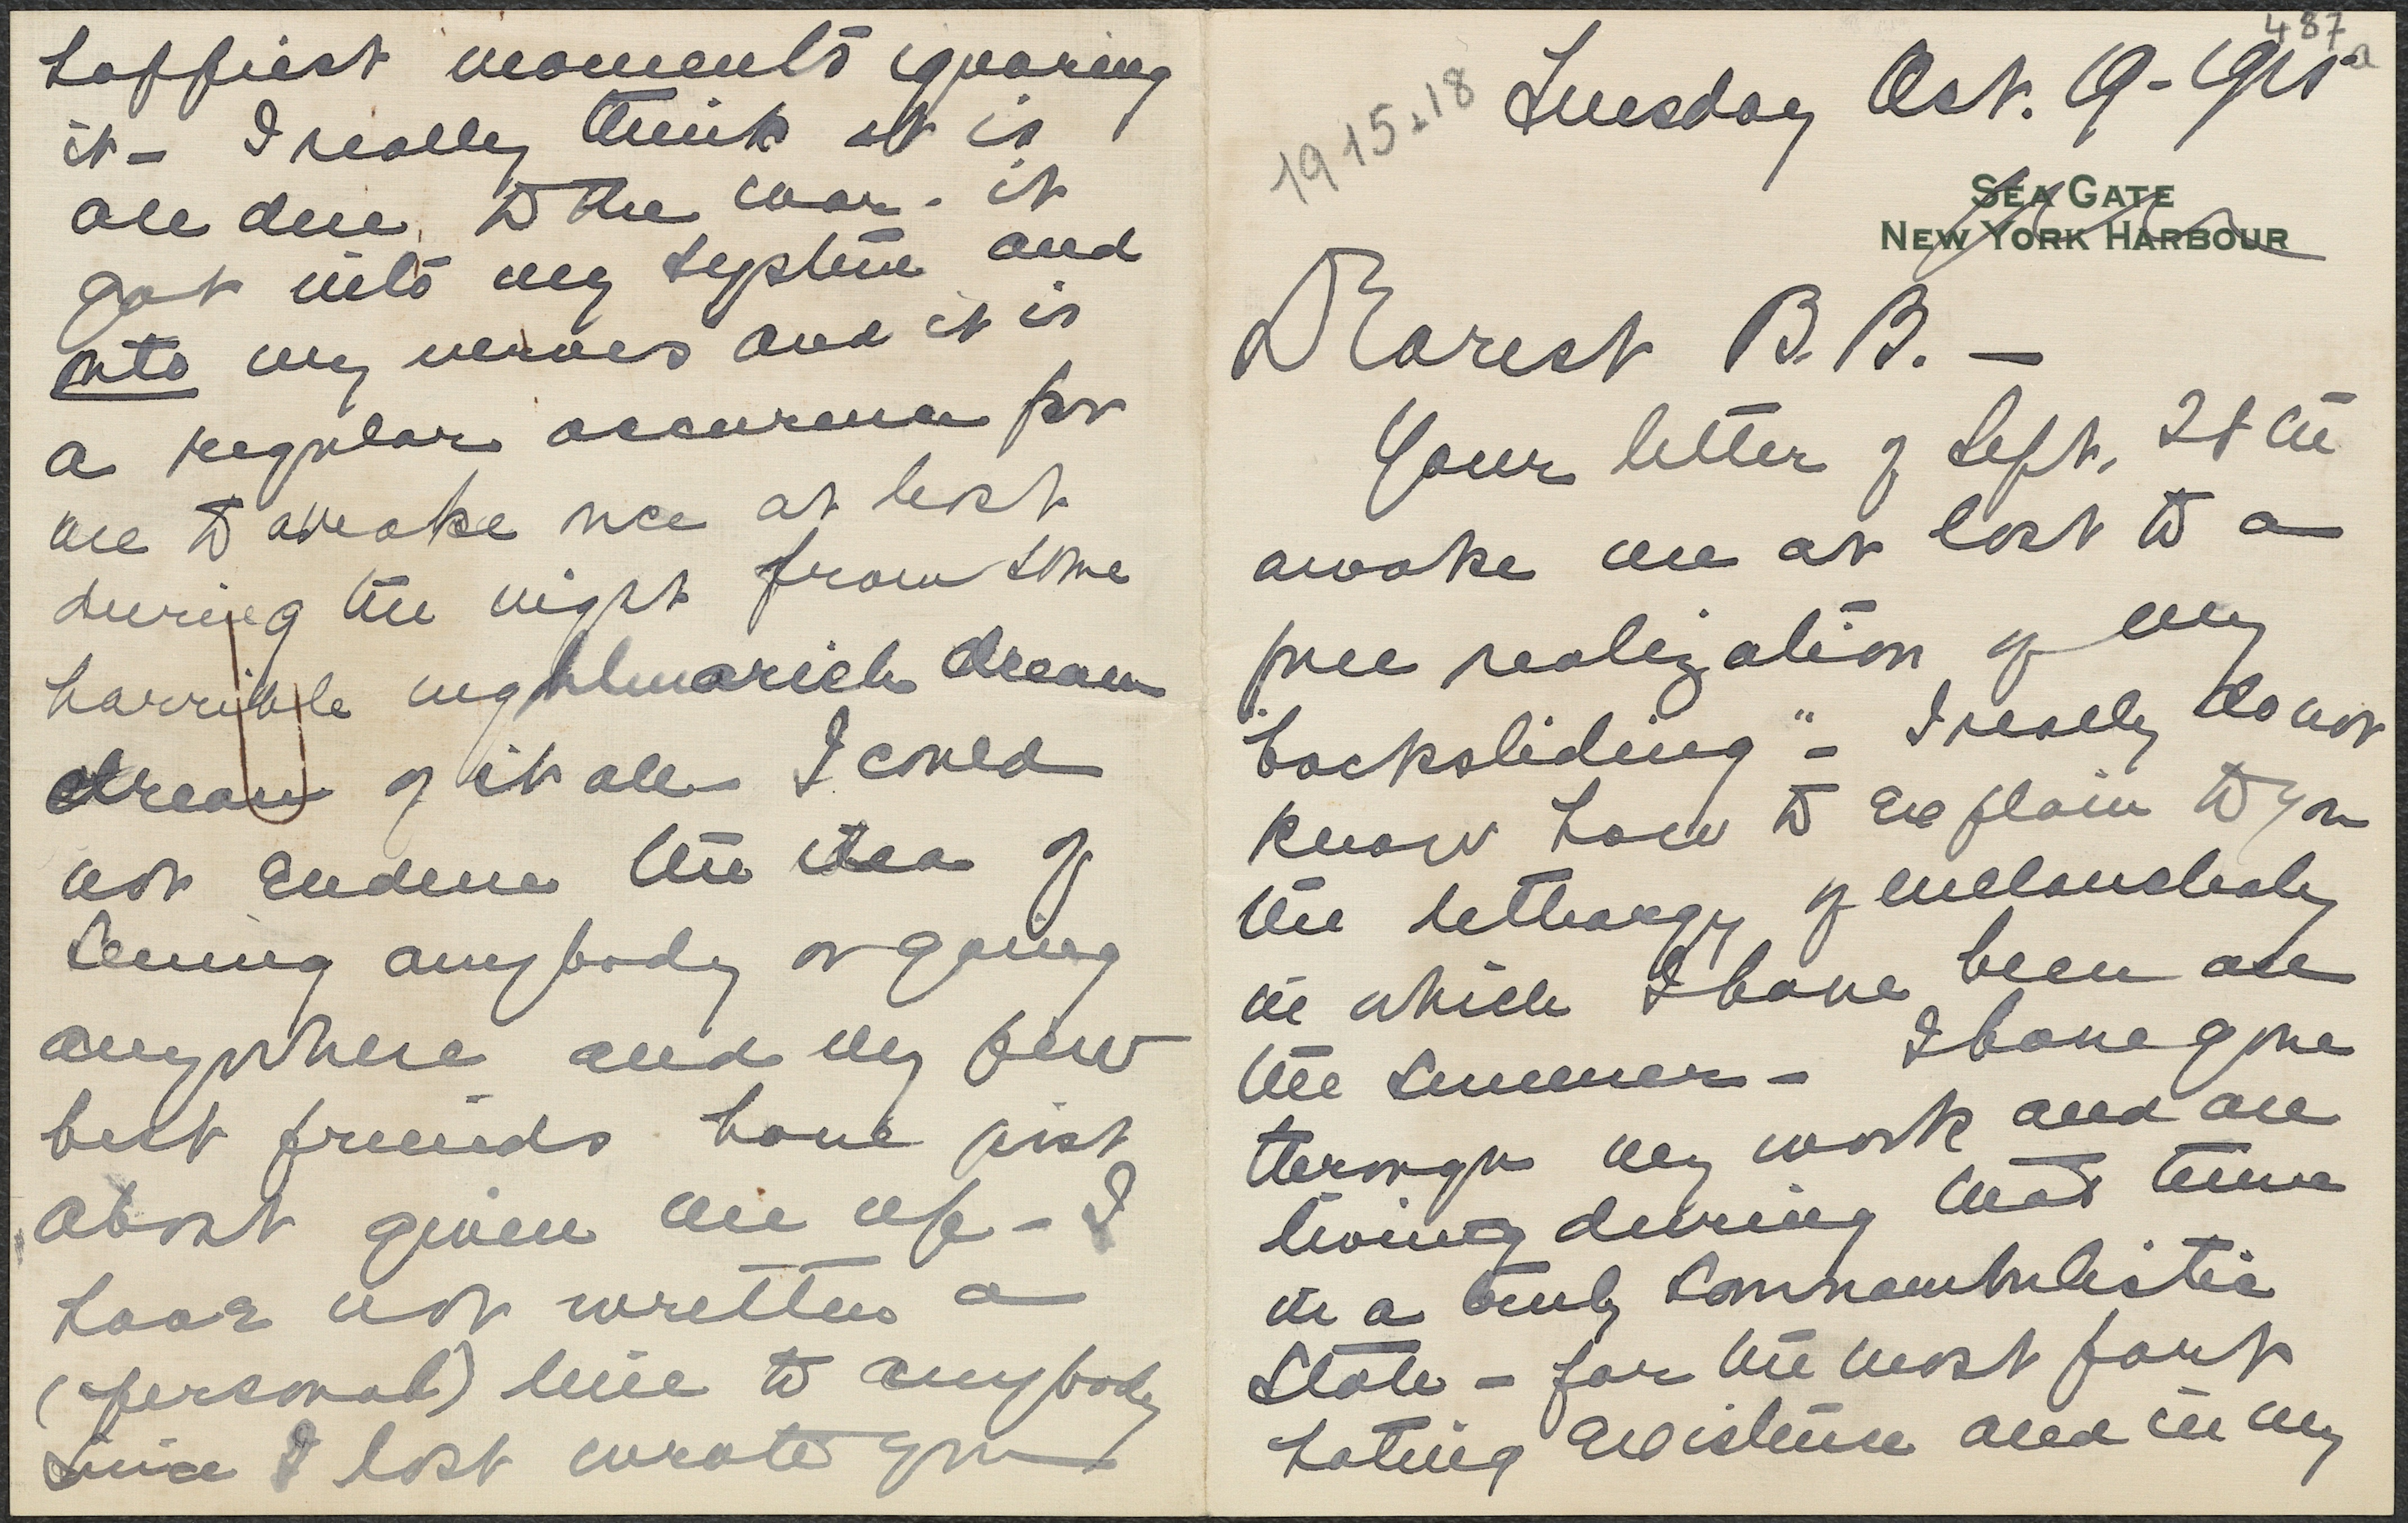Tuesday Oct. 19 – 1915
[Note: letterhead crossed out with ink]
Dearest B.B. –
Your letter of Sept. 28th awoke me at last to a full realization of my "backsliding" – I really do not know how to explain to you the lethargy of melancholy in which I have been all the summer – I have gone through my work and am living during that time in a truly somnambulistic state – for the most part hating existence and in my
happiest moments ignoring it – I really think it is all due to the war – it got into my system and into my nerves and it is a regular occurence [sic] for me to awake once at least during the night from some horrible nightmarish dream dream [sic] of it all – I could not endure the idea of seeing anybody or going anywhere and my few best friends have just about given me up – I have not written a (personal) line to anybody since I last wrote you